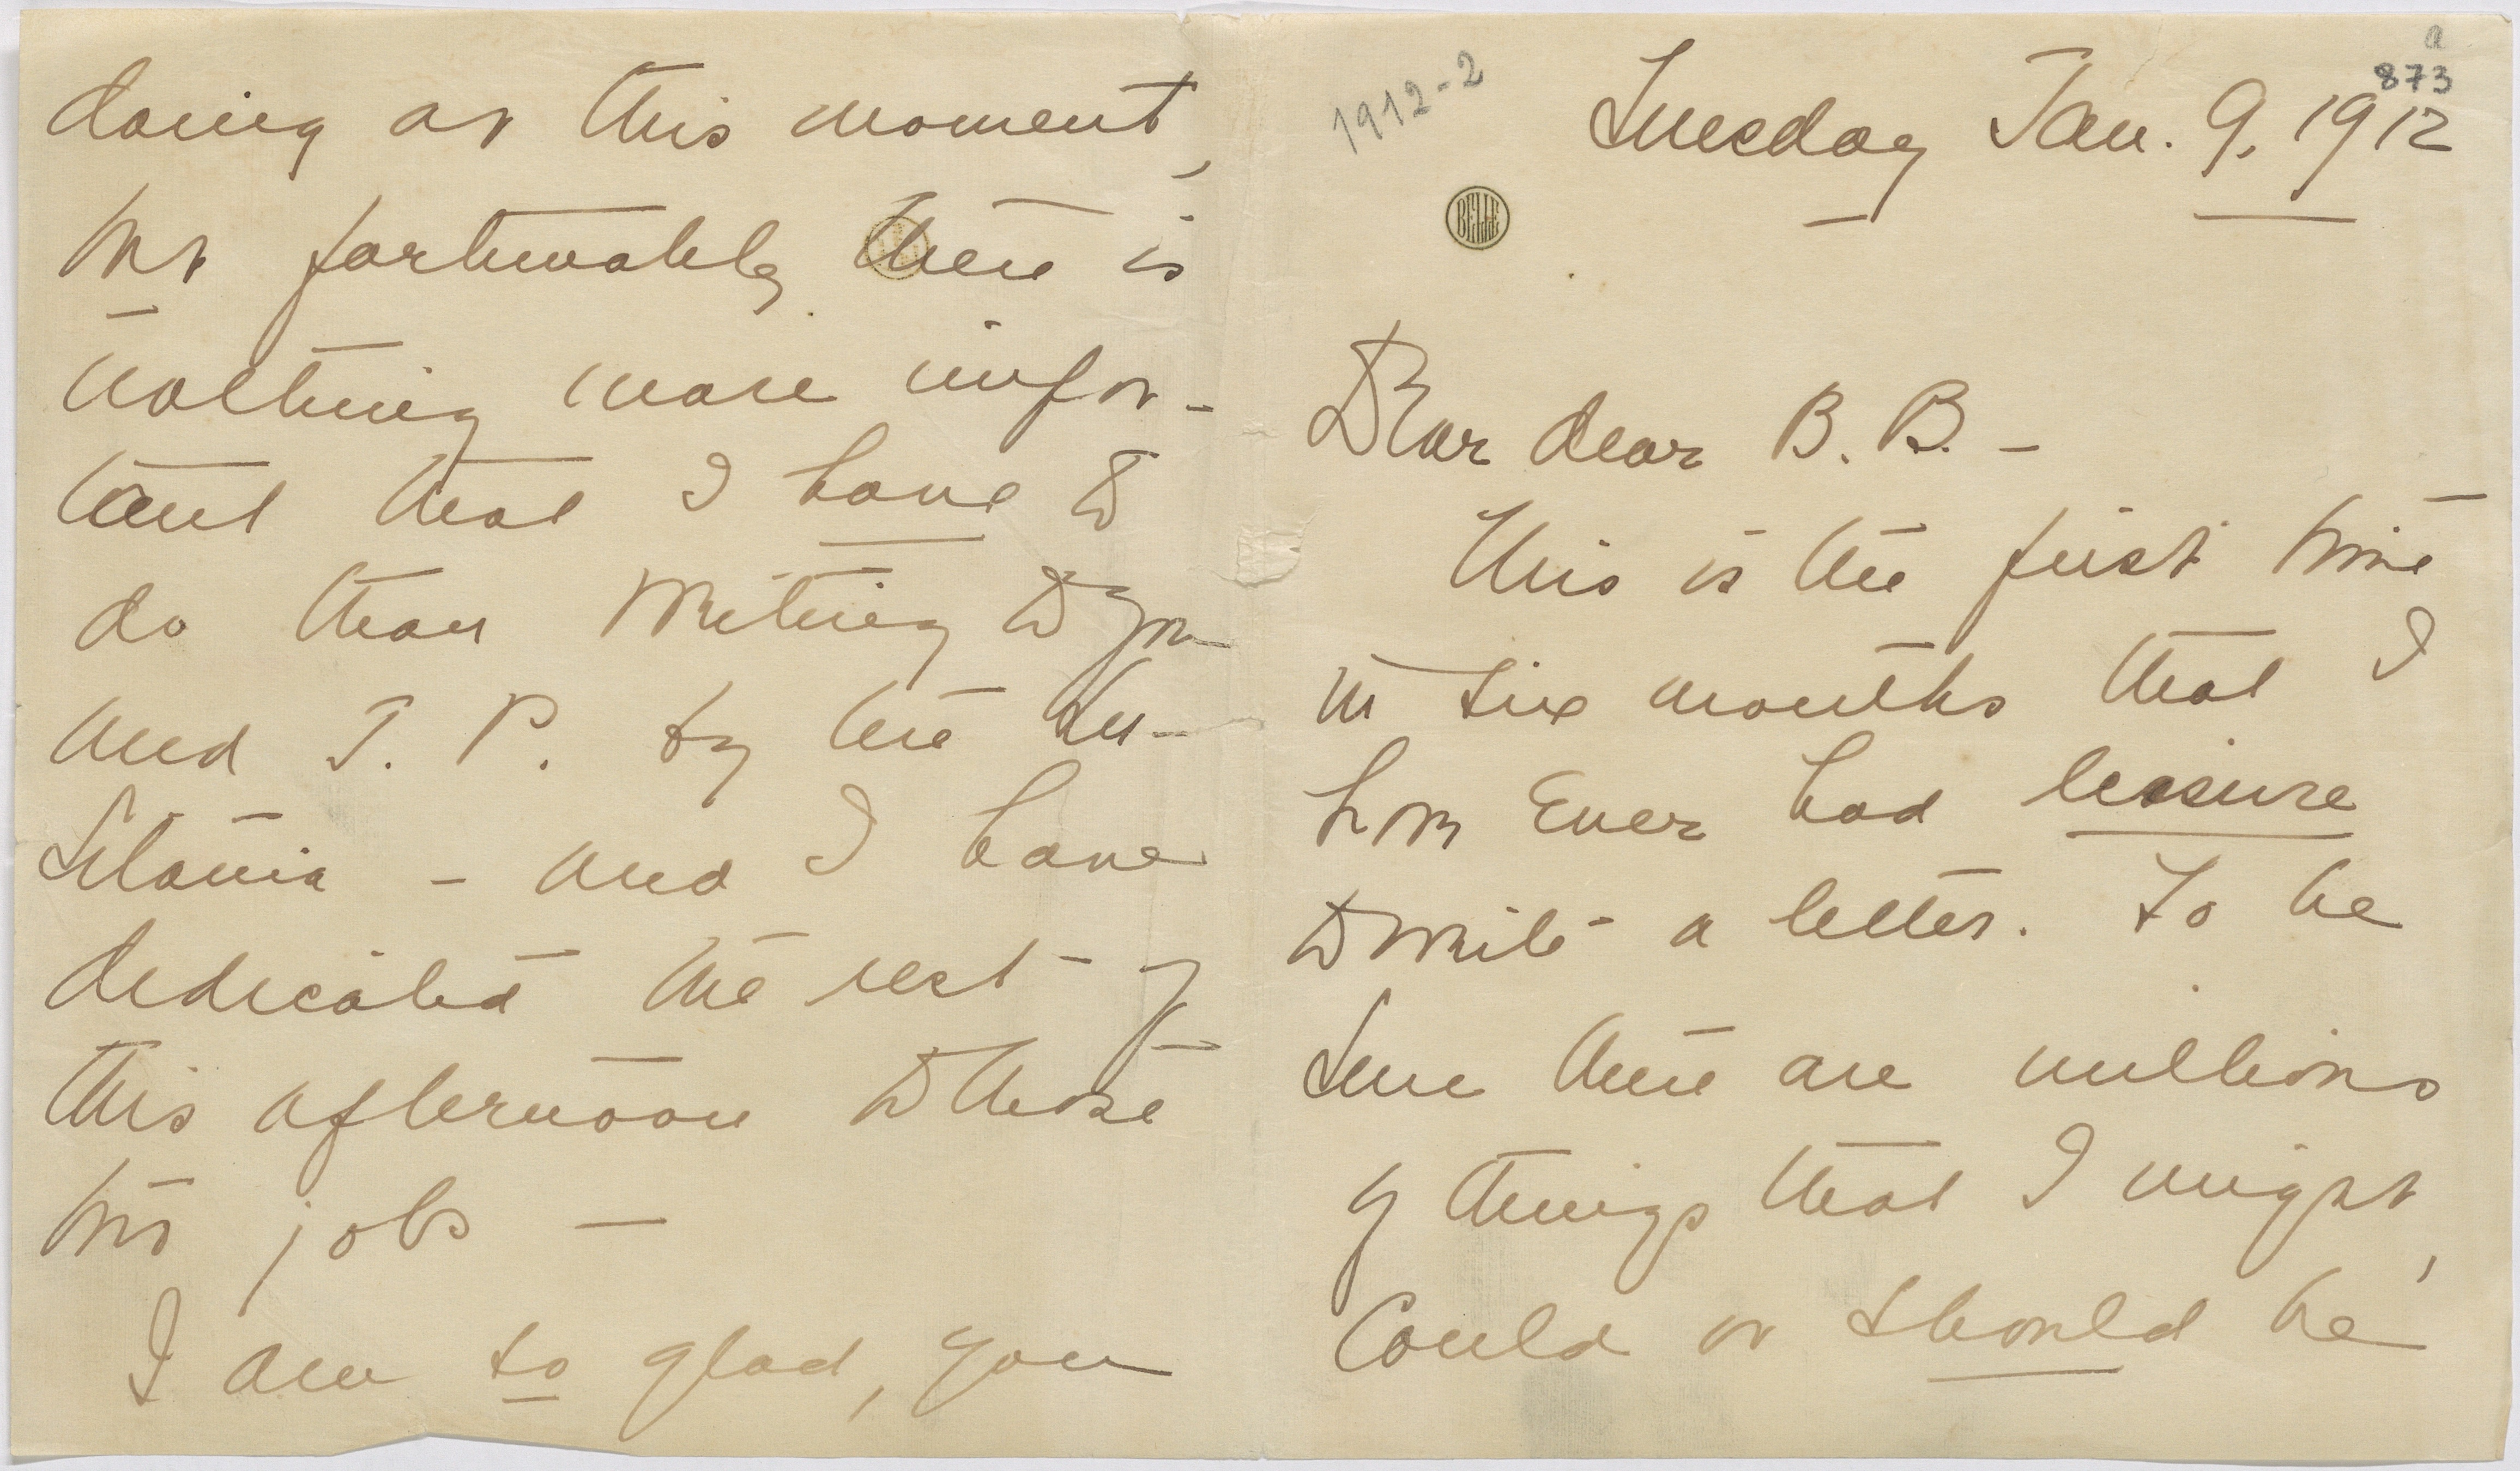Tuesday Jan. 9, 1912
Dear dear B. B. –
This is the first time in six months that I have ever had leisure to write a letter. To be sure there are millions of things that I might, could or should be
doing at this moment, but fortunately there is nothing more important that I have to do than writing you to and J. P. by the Lusitania – and I have dedicated the rest of this afternoon to those two jobs –
I am so glad, you